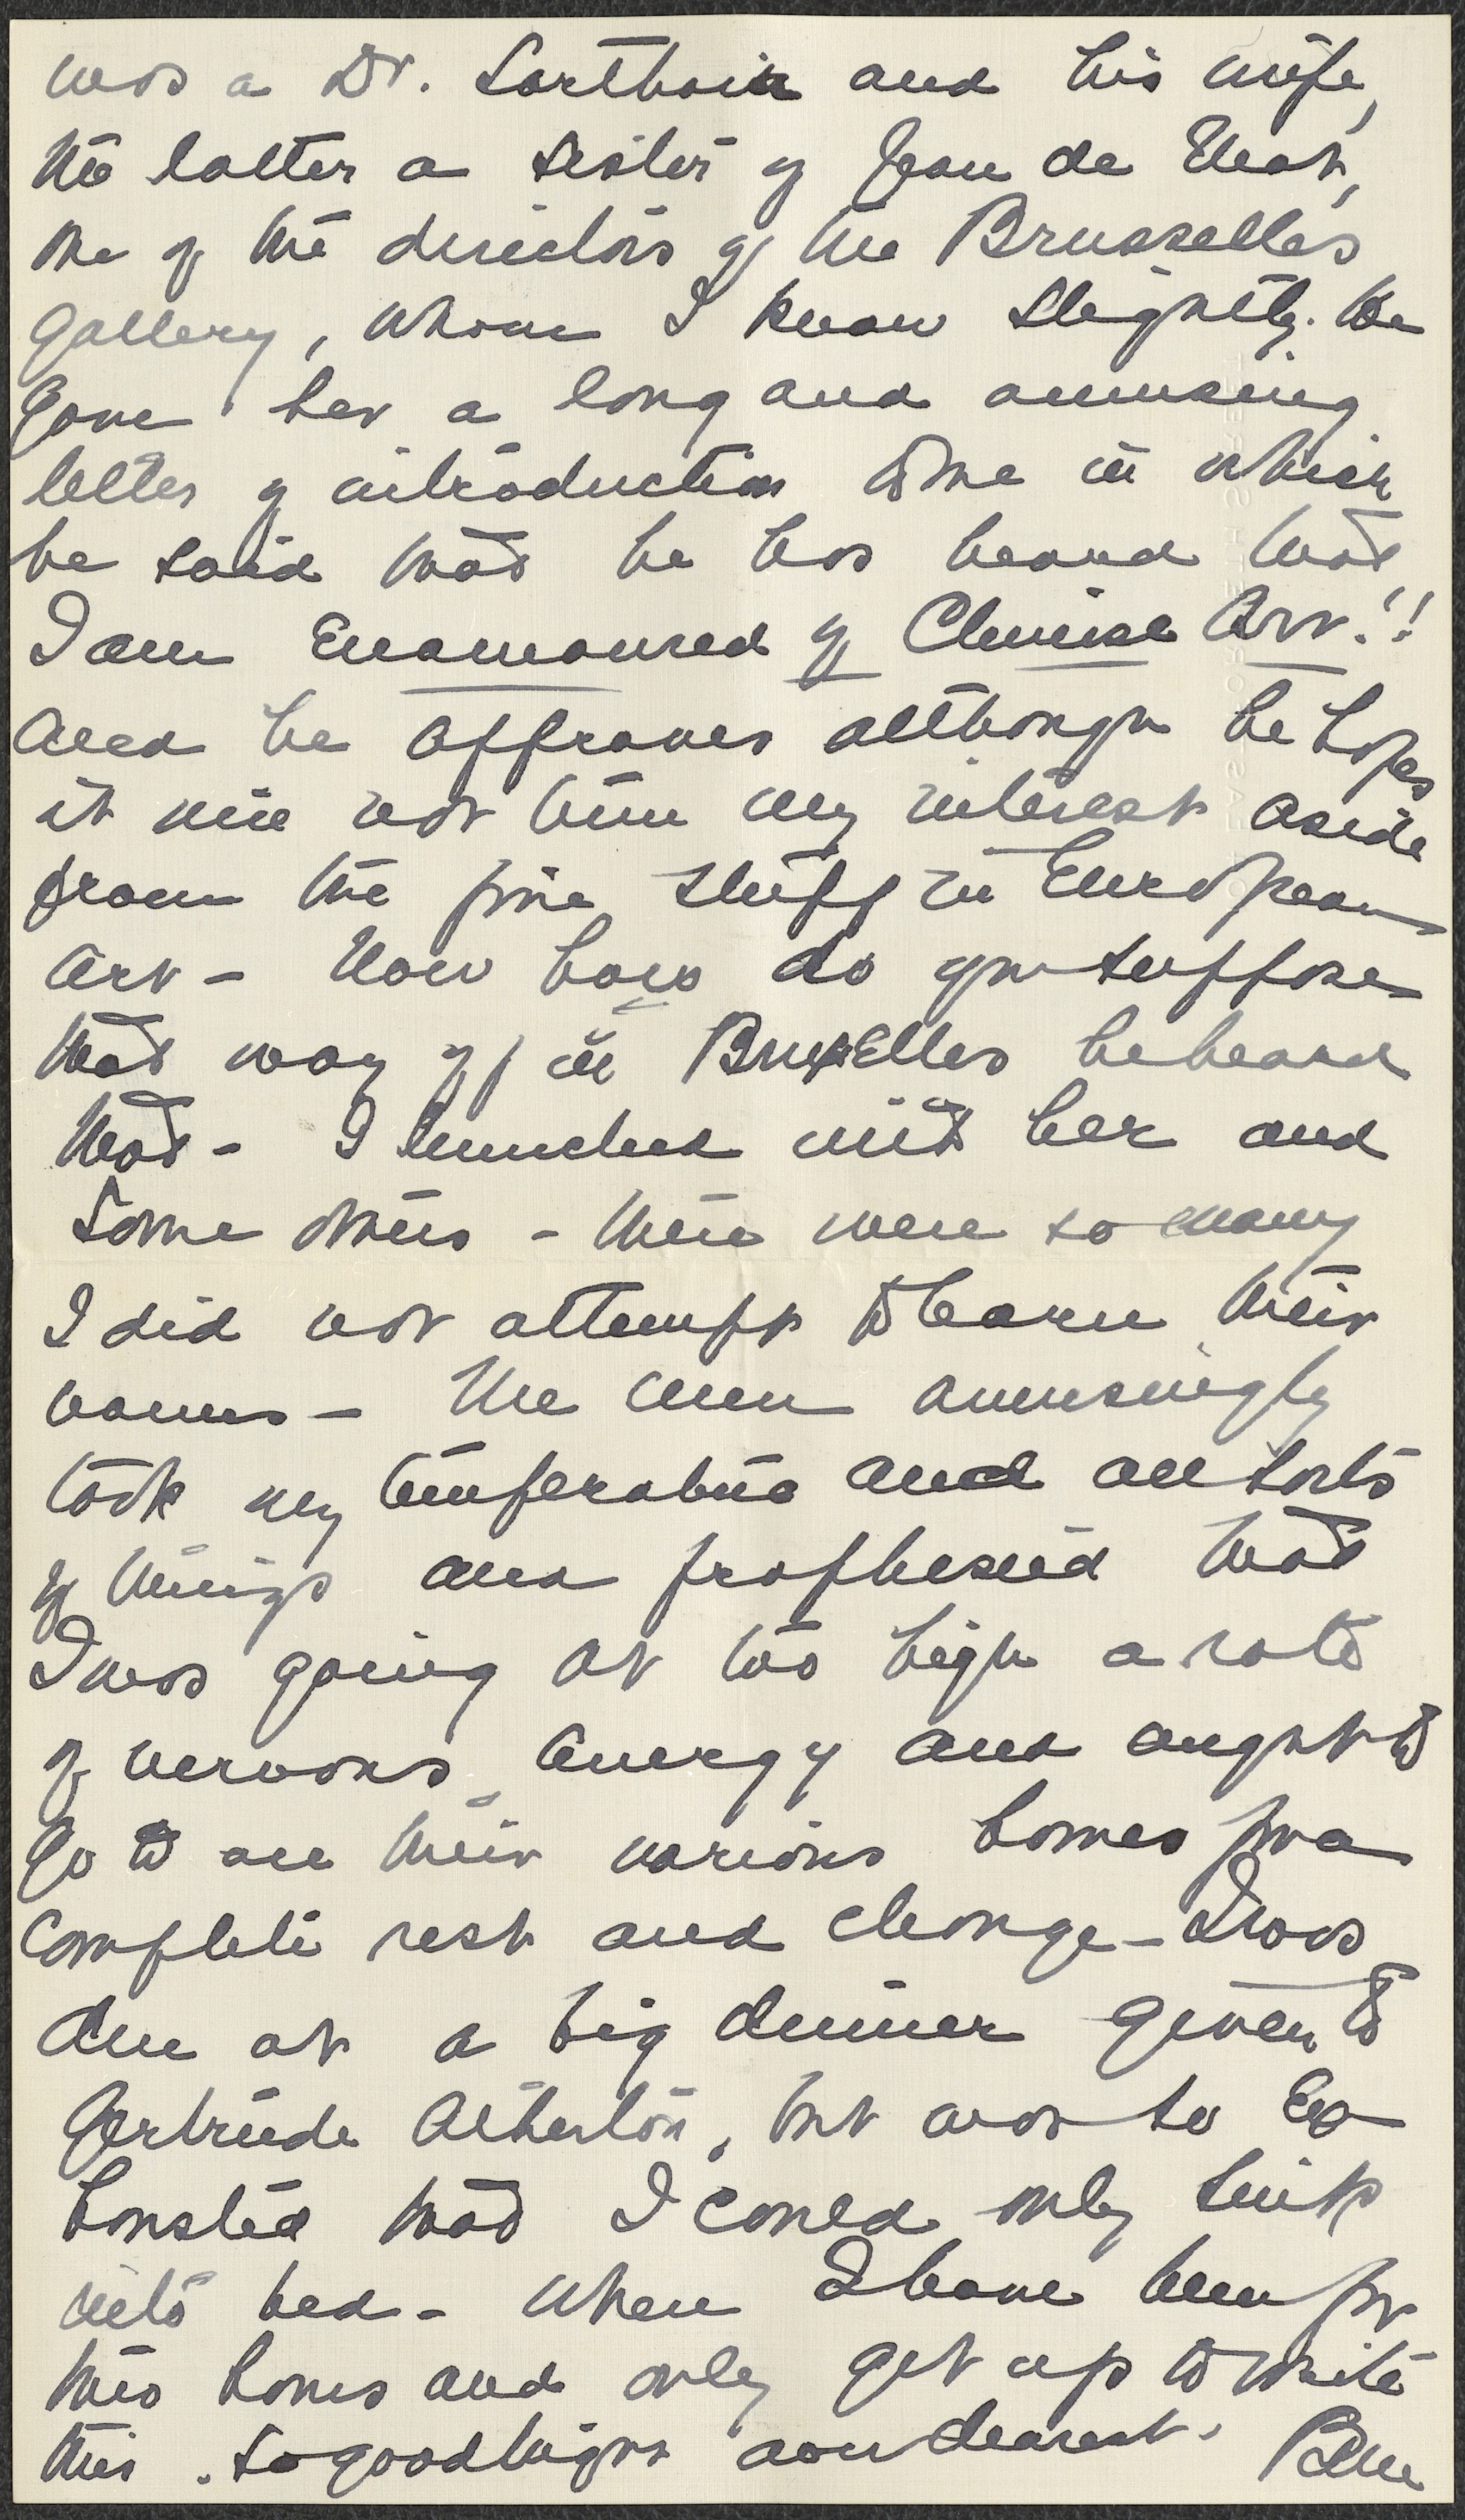was a Dr. Sarthoiu [sic] and his wife, the latter a sister of Jean de Mot, one of the directors of the Brusselles Gallery, whom I know slightly. He gave her a long and amusing letter of introduction to me in which he said that he has heard that I am enamoured of Chinese Art!! and he approves although he hopes it will not turn my interest aside from the fine stuff in European Art – Now how do you suppose that way off in Bruxelles he heard that – I lunched with her and some others – there were so many I did not attempt to learn their names – The men amusingly took my temperature and all sorts of things and prophesied that I was going at too high a rate of nervous energy and ought to go to all their various homes for a complete rest and change – I was due at a big dinner given to Gertrude Atherton, but was so exhausted that I could only sink into bed – where I have been for two hours and only got up to write this. So goodnight now dearest – Belle